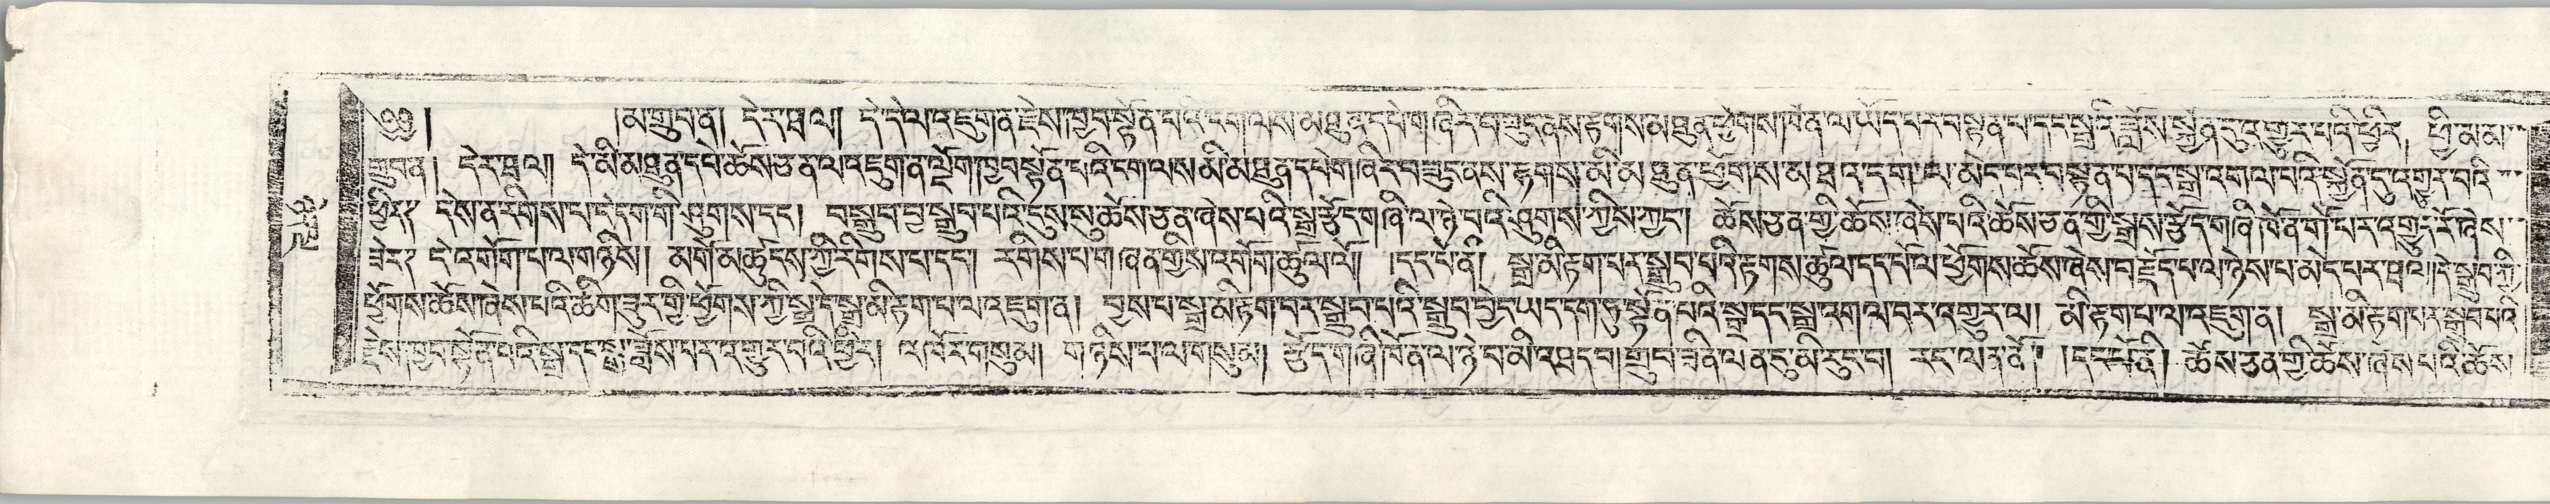༄༅། །མ་གྲུབ་ན། དེར་ཐལ། དེ་དེ་ལ་འཇུག་ན་རྗེས་ཁྱབ་སྟོན་པའི་ངག་ལས་མཐུན་དཔེ་གཞིར་བཟུང་ནས་རྟགས་མཐུན་ཕྱོགས་ཁོ་ན་ལ་ཡོད་པར་བསྟན་པ་དང་སྒྲའི་ཟློས་སྐྱོན་དུ་འགྱུར་བའི་ཕྱིར། ཕྱི་མ་མ་
གྲུབ་ན། དེར་ཐལ། དེ་མི་མཐུན་དཔེ་ཆོས་ཅན་ལ་འཇུག་ན་ལྡོག་ཁྱབ་སྟོན་པའི་ངག་ལས་མི་མཐུན་དཔེ་གཞིར་བཟུང་ནས་རྟགས་མི་མཐུན་ཕྱོགས་མཐའ་དག་ལ་མེད་པར་བསྟན་པ་དང་སྒྲ་འགལ་བའི་སྐྱོན་དུ་འགྱུར་བའི་
ཕྱིར། དེས་ན་རིགས་པ་དེ་དག་གི་ཤུགས་དང་། བསྒྲུབ་བྱ་སྒྲུབ་པའི་དུས་སུ་ཆོས་ཅན་ཞེས་པའི་སྒྲ་རྩོད་གཞི་ལ་ཉེ་བའི་ཤུགས་ཀྱིས་ཀྱང་། ཆོས་ཅན་གྱི་ཆོས་ཞེས་པའི་ཆོས་ཅན་གྱི་སྒྲ་རྩོད་གཞི་ཁོ་ན་གོ་བར་འགྱུར་རོ་ཞེས་
ཟེར། དེ་འགོག་པ་ལ་གཉིས། མགོ་མཚུངས་ཀྱི་རིགས་པ་དང་། རིགས་པ་གཞན་གྱིས་འགོག་ཚུལ་ལོ། །དང་པོ་ནི། སྒྲ་མི་རྟག་པར་སྒྲུབ་པའི་རྟགས་ཚུལ་དང་པོ་ལ་ཕྱོགས་ཆོས་ཞེས་བརྗོད་པ་ལ་ཉེས་པ་མེད་པར་ཐལ། དེ་སྒྲུབ་ཀྱི་
ཕྱོགས་ཆོས་ཞེས་པའི་ཚིག་ཟུར་གྱི་ཕྱོགས་ཀྱི་སྒྲ་དེ་སྒྲ་མི་རྟག་པ་ལ་འཇུག་ན། བྱས་པ་སྒྲ་མི་རྟག་པར་སྒྲུབ་པའི་སྒྲུབ་བྱེད་ཡང་དག་ཏུ་སྟོན་པའི་སྒྲ་དང་སྒྲ་འགལ་བར་འགྱུར་ལ། མི་རྟག་པ་ལ་འཇུག་ན། སྒྲ་མི་རྟག་པར་སྒྲུབ་པའི་
རྗེས་ཁྱབ་སྟོན་པའི་སྒྲ་དང་སྒྲ་ཟློས་པར་འགྱུར་བའི་ཕྱིར། འཁོར་གསུམ། གཉིས་པ་ལ་གསུམ། རྩོད་གཞི་ཁོ་ན་ལ་ཉེ་བ་མི་འཐད་པ། གྲུབ་ཟིན་ལན་དུ་མི་རུང་བ། རང་ལན་ནོ། །དང་པོ་ནི། ཆོས་ཅན་གྱི་ཆོས་ཞེས་པའི་ཆོས་